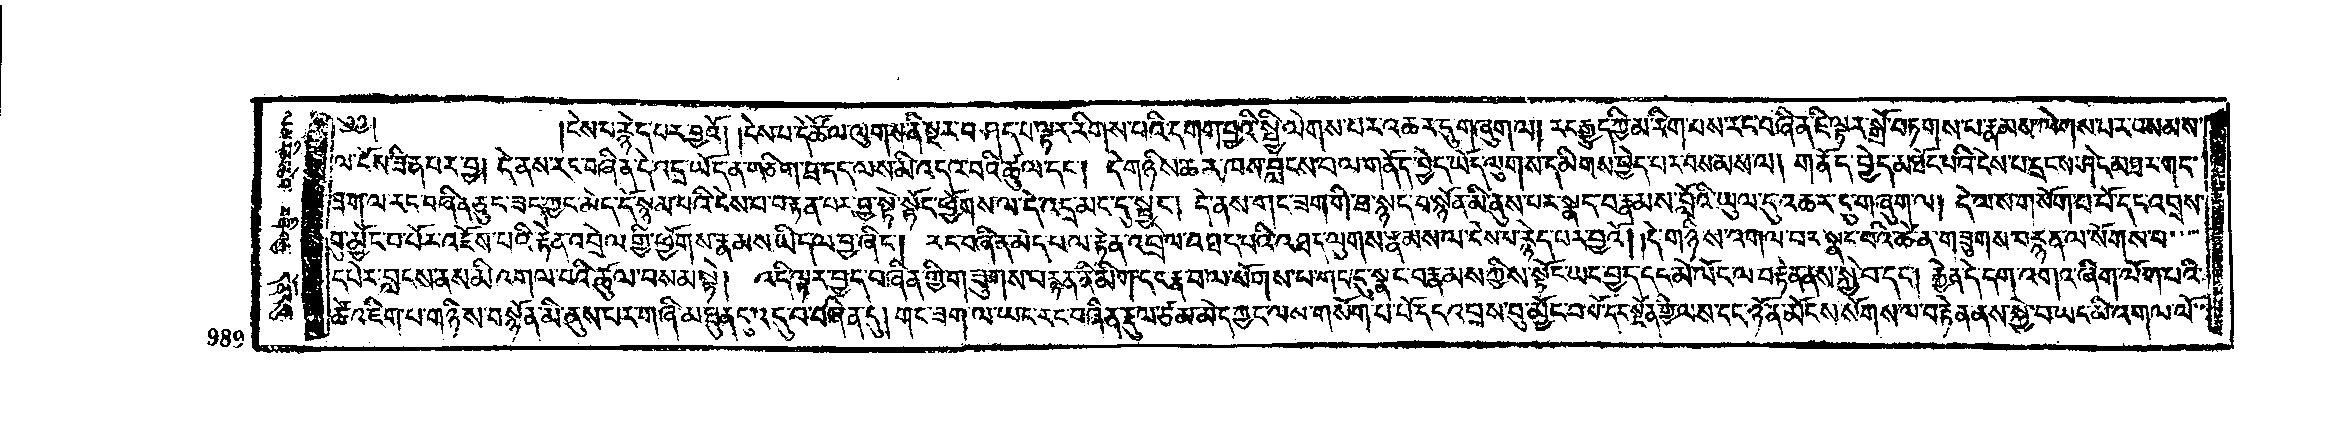༄༅། །ངེས་པ་རྙེད་པར་བྱའོ། །ངེས་པ་དེ་ཚོལ་ལུགས་ནི་སྔར་བཤད་པ་ལྟར་རིགས་པའི་དགག་བྱའི་སྤྱི་ལེགས་པར་འཆར་དུ་གཞུག་ལ། རང་རྒྱུད་ཀྱི་མ་རིག་པས་རང་བཞིན་ཇི་ལྟར་སྒྲོ་བཏགས་པ་རྣམས་ལེགས་པར་བསམས་
ལ་ངོས་ཟིན་པར་བྱ། དེ་ནས་རང་བཞིན་དེ་འདྲ་ཡོད་ན་གཅིག་ཐ་དད་ལས་མི་འདའ་བའི་ཚུལ་དང་། དེ་གཉིས་ཆར་ཁས་བླངས་པ་ལ་གནོད་བྱེད་ཡོད་ལུགས་དམིགས་ཕྱེད་པར་བསམས་ལ། གནོད་བྱེད་མཐོང་བའི་ངེས་པ་དྲངས་ཤིང་མཐར་གང་
ཟག་ལ་རང་བཞིན་ཅུང་ཟད་ཀྱང་མེད་དོ་སྙམ་པའི་ངེས་པ་བརྟན་པར་བྱ་སྟེ་སྟོང་ཕྱོགས་ལ་དེ་འདྲ་མང་དུ་སྦྱང་། དེ་ནས་གང་ཟག་གི་ཐ་སྙད་བསྙོན་མི་ནུས་པར་སྣང་བ་རྣམས་བློའི་ཡུལ་དུ་འཆར་དུ་གཞུག་ལ། དེ་ལས་གསོག་པ་པོ་དང་འབྲས་
བུ་མྱོང་བ་པོར་འཇོག་པའི་རྟེན་འབྲེལ་གྱི་ཕྱོགས་རྣམས་ཡིད་ལ་བྱ་ཞིང་། རང་བཞིན་མེད་པ་ལ་རྟེན་འབྲེལ་འཐད་པའི་འཐད་ལུགས་རྣམས་ལ་ངེས་པ་རྙེད་པར་བྱའོ། །དེ་གཉིས་འགལ་བར་སྣང་བའི་ཚེ་ན་གཟུགས་བརྙན་ལ་སོགས་པ་
དཔེར་བླངས་ནས་མི་འགལ་བའི་ཚུལ་བསམ་སྟེ། འདི་ལྟར་བྱད་བཞིན་གྱི་གཟུགས་བརྙན་ནི་མིག་དང་རྣ་བ་ལ་སོགས་པ་གང་དུ་སྣང་བ་རྣམས་ཀྱིས་སྟོང་ཡང་བྱད་དང་མེ་ལོང་ལ་བརྟེན་ནས་སྐྱེ་བ་དང་། རྐྱེན་དེ་དག་འགའ་ཞིག་ལོག་པའི་
ཚེ་འཇིག་པ་གཉིས་བསྙོན་མི་ནུས་པར་གཞི་མཐུན་དུ་འདུ་བ་བཞིན་དུ། གང་ཟག་ལ་ཡང་རང་བཞིན་རྡུལ་ཙམ་མེད་ཀྱང་ལས་གསོག་པ་པོ་དང་འབྲས་བུ་མྱོང་བ་པོ་དང་སྔོན་གྱི་ལས་དང་ཉོན་མོངས་སོགས་ལ་བརྟེན་ནས་སྐྱེ་བ་ཡང་མི་འགལ་ལོ་